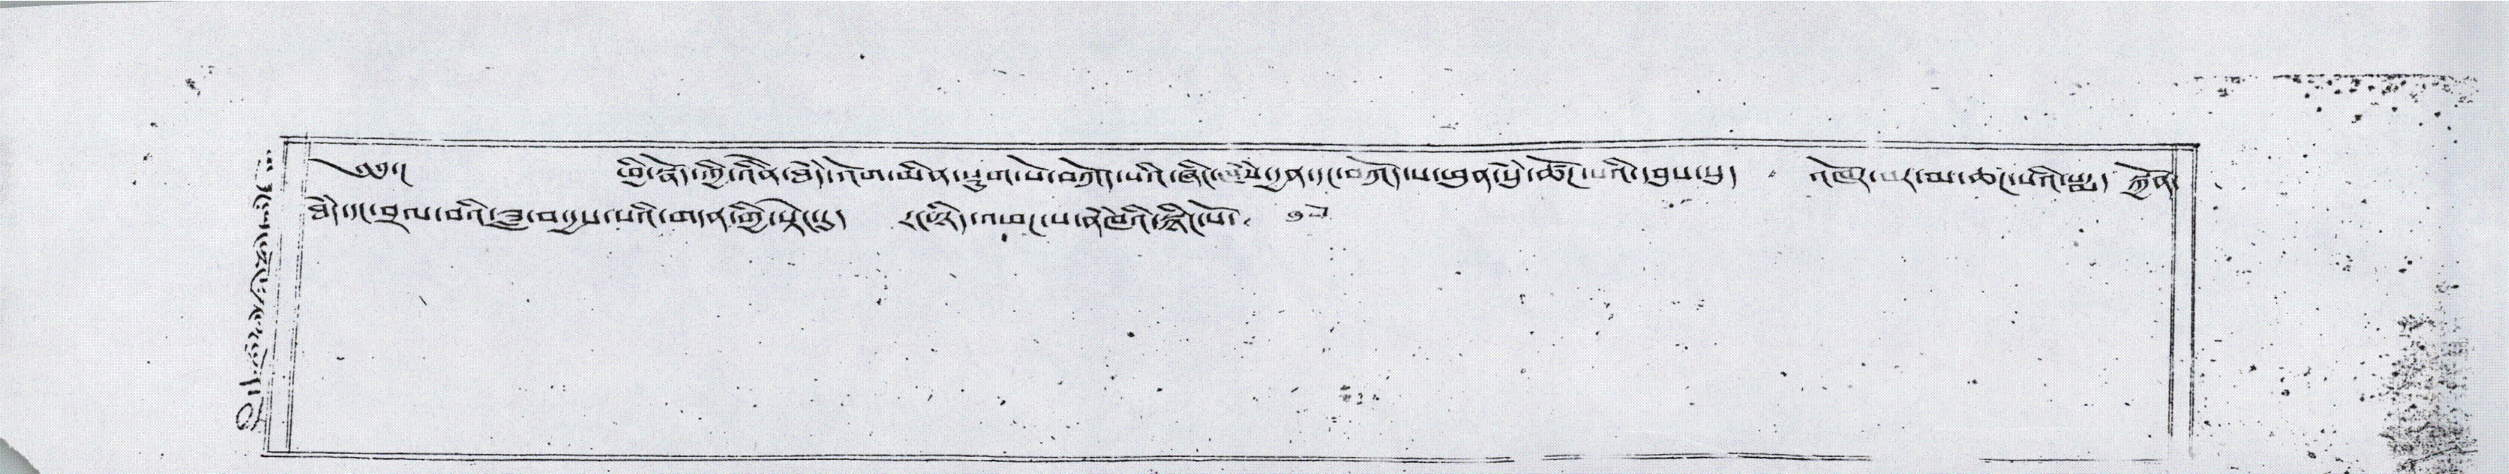ཕྱི་སྣོད་ཀྱི་འཇིག་རྟེན་ཐམས་ཅད་འོག་མིན་སྟུག་པོ་བཀོད་པའི་ཞིང་ཁམས་རྒྱན་དང་བཀོད་པ་ཕུན་སུམ་ཚོགས་པའི་དབུས་སུ། འཁོར་བར་མ་ཆགས་པའི་པདྨ། སྐྱོན་
ཐམས་ཅད་དང་བྲལ་བའི་ཟླ་བ་རྒྱས་པའི་གདན་གྱི་སྟེང་དུ་རང་ཉིད་འཕགས་པ་ནམ་མཁའི་སྙིང་པོ་༼མ་དཔེ་ལ་ཆད༽